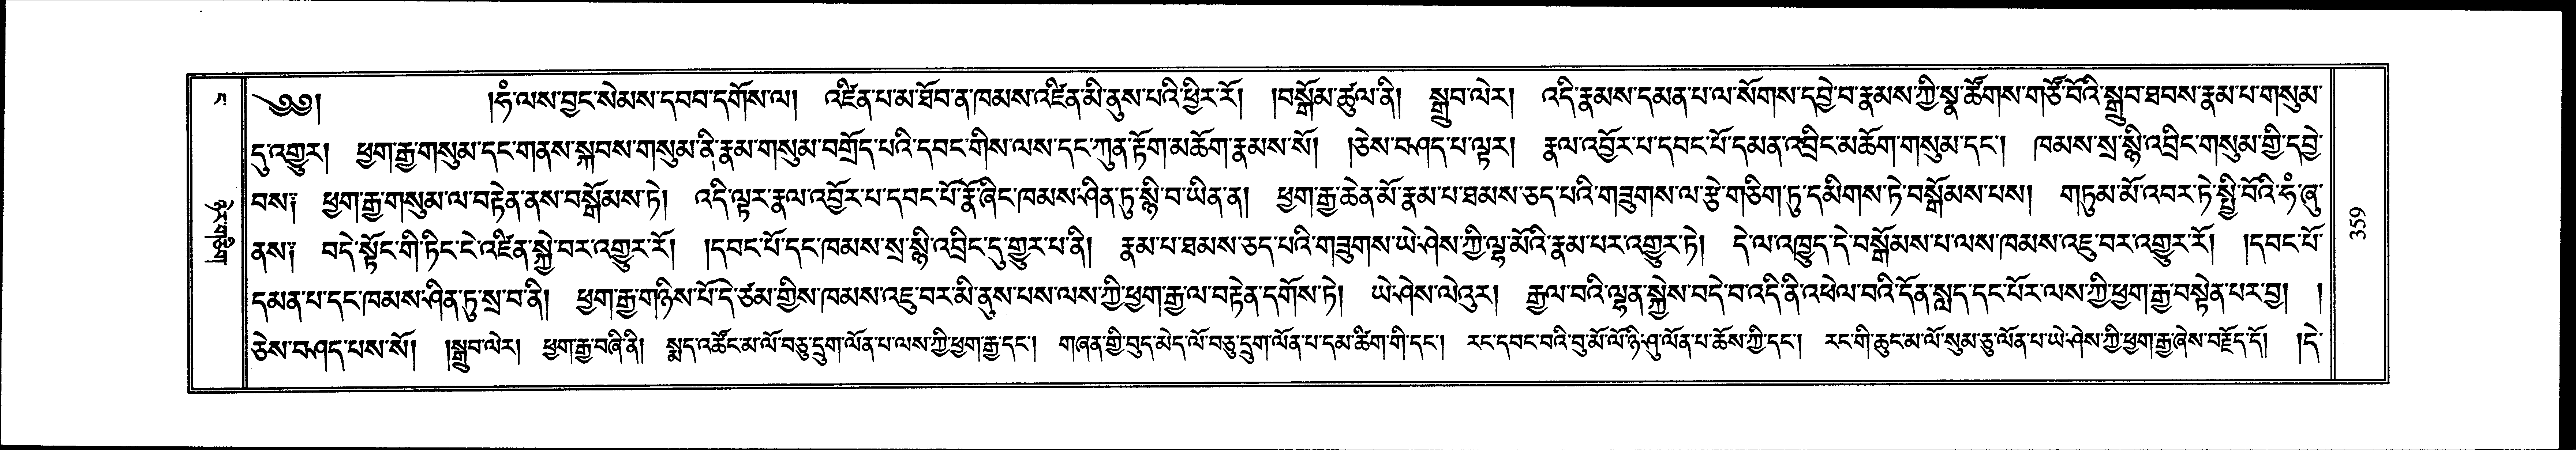༄༅། །ཧཾ་ལས་བྱང་སེམས་དབབ་དགོས་ལ། འཛིན་པ་མ་ཐོབ་ན་ཁམས་འཛིན་མི་ནུས་པའི་ཕྱིར་རོ། །བསྒོམ་ཚུལ་ནི། སྒྲུབ་ལེར། འདི་རྣམས་དམན་པ་ལ་སོགས་དབྱེ་བ་རྣམས་ཀྱི་སྣ་ཚོགས་གཙོ་བོའི་སྒྲུབ་ཐབས་རྣམ་པ་གསུམ་
དུ་འགྱུར། ཕྱག་རྒྱ་གསུམ་དང་གནས་སྐབས་གསུམ་ནི་རྣམ་གསུམ་བགྲོད་པའི་དབང་གིས་ལས་དང་ཀུན་རྟོག་མཆོག་རྣམས་སོ། །ཅེས་བཤད་པ་ལྟར། རྣལ་འབྱོར་པ་དབང་པོ་དམན་འབྲིང་མཆོག་གསུམ་དང་། ཁམས་སྲ་སྙི་འབྲིང་གསུམ་གྱི་དབྱེ་
བས། ཕྱག་རྒྱ་གསུམ་ལ་བརྟེན་ནས་བསྒོམས་ཏེ། འདི་ལྟར་རྣལ་འབྱོར་པ་དབང་པོ་རྣོ་ཞིང་ཁམས་ཤིན་ཏུ་སྙི་བ་ཡིན་ན། ཕྱག་རྒྱ་ཆེན་མོ་རྣམ་པ་ཐམས་ཅད་པའི་གཟུགས་ལ་རྩེ་གཅིག་ཏུ་དམིགས་ཏེ་བསྒོམས་པས། གཏུམ་མོ་འབར་ཏེ་སྤྱི་བོའི་ཧཾ་ཞུ་
ནས། བདེ་སྟོང་གི་ཏིང་ངེ་འཛིན་སྐྱེ་བར་འགྱུར་རོ། །དབང་པོ་དང་ཁམས་སྲ་སྙི་འབྲིང་དུ་གྱུར་པ་ནི། རྣམ་པ་ཐམས་ཅད་པའི་གཟུགས་ཡེ་ཤེས་ཀྱི་ལྷ་མོའི་རྣམ་པར་འགྱུར་ཏེ། དེ་ལ་འཁྱུད་དེ་བསྒོམས་པ་ལས་ཁམས་འཇུ་བར་འགྱུར་རོ། །དབང་པོ་
དམན་པ་དང་ཁམས་ཤིན་ཏུ་སྲ་བ་ནི། ཕྱག་རྒྱ་གཉིས་པོ་དེ་ཙམ་གྱིས་ཁམས་འཇུ་བར་མི་ནུས་པས་ལས་ཀྱི་ཕྱག་རྒྱ་ལ་བརྟེན་དགོས་ཏེ། ཡེ་ཤེས་ལེའུར། རྒྱལ་བའི་ལྷན་སྐྱེས་བདེ་བ་འདི་ནི་འཕེལ་བའི་དོན་སླད་དང་པོར་ལས་ཀྱི་ཕྱག་རྒྱ་བསྟེན་པར་བྱ།།
ཅེས་བཤད་པས་སོ། །སྒྲུབ་ལེར། ཕྱག་རྒྱ་བཞི་ནི། སྨད་འཚོང་མ་ལོ་བཅུ་དྲུག་ལོན་པ་ལས་ཀྱི་ཕྱག་རྒྱ་དང་། གཞན་གྱི་བུད་མེད་ལོ་བཅུ་དྲུག་ལོན་པ་དམ་ཚིག་གི་དང་། རང་དབང་བའི་བུ་མོ་ལོ་ཉི་ཤུ་ལོན་པ་ཆོས་ཀྱི་དང་། རང་གི་ཆུང་མ་ལོ་སུམ་ཅུ་ལོན་པ་ཡེ་ཤེས་ཀྱི་ཕྱག་རྒྱ་ཞེས་བརྗོད་དོ། །དེ་